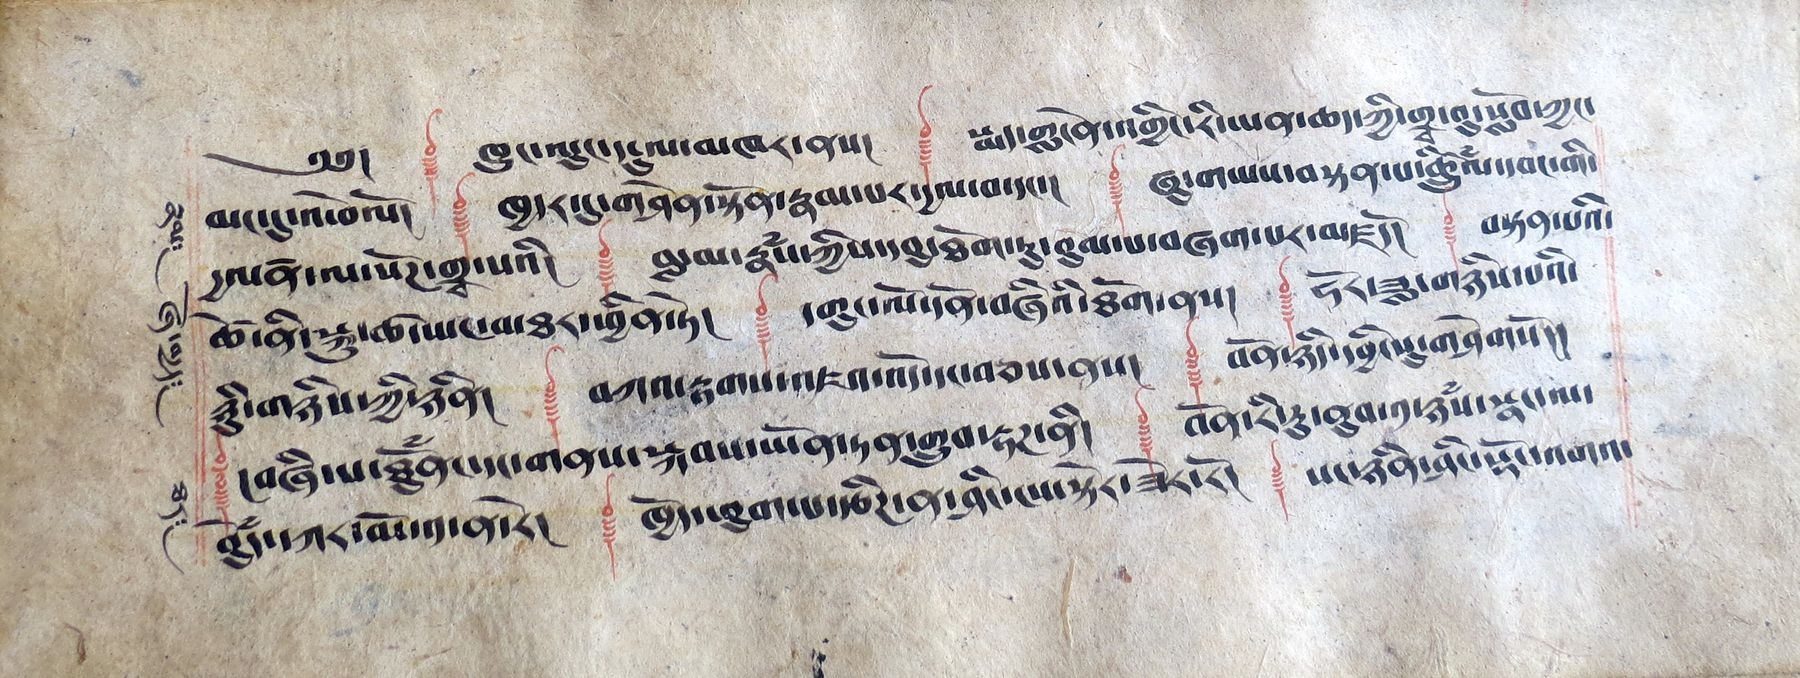ཁྱུང་ལུང་དངུལ་མཁར་ནས། སྨད་གླང་ཆེན་འགྱིང་རི་ཡན་གྱི་གྲྭ་བུ་སློབ་ཀྱང་
མང་དུ་འཕེལ་ལོ། ཁྱད་པར་དུ་གཤེན་སྟོན་རྣམ་པར་རྒྱལ་བ་དང་། ཞུ་གཡས་བསྟན་པ་ཚུལ་ཁྲིམས་དབང་གི་
རྒྱལ་མཚན་ལ་སོགས་པའི་གྲྭ་སའི་བླ་མ་རྣམས་ཀྱི་དབུ་ཐོག་ཏུ་བུམ་པ་་བཞག་པར་མཛད་དོ། བསྟན་པའི་
ཚད་ནི་སྐུ་ཚེ་ཡང་མཐར་ཕྱིན་ཏེ། དགུང་ལོ་དོན་བཞིའི་ཐོག་ནས། ཧོར་ཟླ་གཉིས་པའི་
ཉི་ཤུ་གཉིས་ཀྱི་ཉིན། བཀའ་རྟགས་འཇའ་འོད་དང་བཅས་ནས་བོན་ཉིད་དབྱིངས་སུ་གཤེགས་སོ། 
། བཞི་པ་ཐུན་མོང་དང་གནས་སྐབས་ཡོན་ཏན་གྲུབ་རྟགས་ནི། བོན་རི་རུ་ནུབ་ཅིག་ཉམས་སྣང་ལ་
བུད་མེད་དཀར་མོ་ཅིག་ན་རེ། ཁྱོད་ཕུག་པ་བརྩིགས་ན་ཤིང་ངས་སྟེར་ཟེར་རོ། ། སང་ཉིན་ཤིང་སྡོང་འགའ་